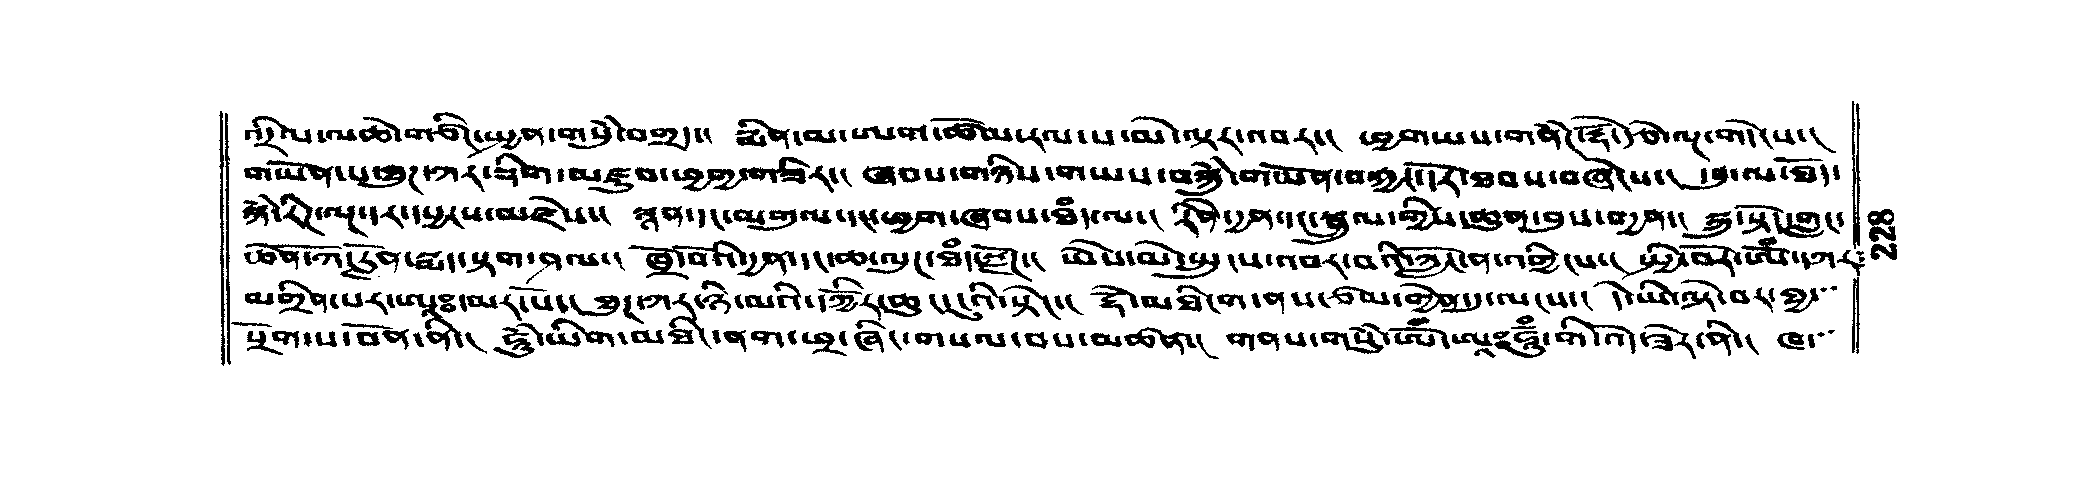འདྲིལ་མཆེ་གཙིགས་སྤྱན་གསུམ་བགྲད། སྨིན་མ་ཨག་ཚོམ་རལ་པ་མེ་ལྟར་འབར། །ཕྱག་གཡས་གནམ་ལྕགས་རྡོ་རྗེ་རྩེ་ལྔ་གདེངས། །
གཡོན་པ་ཐུགས་ཀར་སྡིག་མཛུབ་ཕྱག་རྒྱ་གཟིར། །ཞབས་གཉིས་གཡས་བསྐུམ་གཡོན་བརྐྱང་དོར་ཐབས་བཞེངས། །དབུ་ལ་ཐོད་
སྐམ་རིགས་ལྔ་དར་དཔྱངས་མཛེས། །སྙན་དང་མགུལ་དང་ཕྱག་ཞབས་ཐམས་ཅད་ལ། །རིན་ཆེན་རྒྱན་དང་སྦྲུལ་གྱིས་ཆུན་བུས་བརྒྱན། །སྐུ་སྟོང་གླང་
ཆེན་ཀོ་རློན་སྨད་སྟག་ཤམ། །ཁྲོ་བོའི་རྒྱན་དང་ཆ་ལུགས་ཐམས་ཅད་རྫོགས། །ཡེ་ཤེས་མེ་སྤུངས་འབར་བའི་ཀློང་ན་འགྱིངས། །སྤྱི་བོར་ཨོྃ་དཀར་
མགྲིན་པར་ཨཱ་དམར་པོ། །ཐུགས་ཀར་ཉི་མའི་དཀྱིལ་འཁོར་ཆུང་ངུའི་སྟེང་། །རྡོ་རྗེ་མཐིང་ག་ནས་ཙམ་གྱེན་དུ་ལངས། །དེ་ཡི་ལྟེ་བར་ཐུགས་
སྲོག་ས་བོན་ནི། །ཧཱུྃ་ཡིག་མཐིང་ནག་ཕྲ་ཞིང་གསལ་བས་མཚན། །གནས་གསུམ་ཨོྃ་ཨཱཿཧཱུྃ་གི་འོད་ཟེར་ནི། །ཁ་